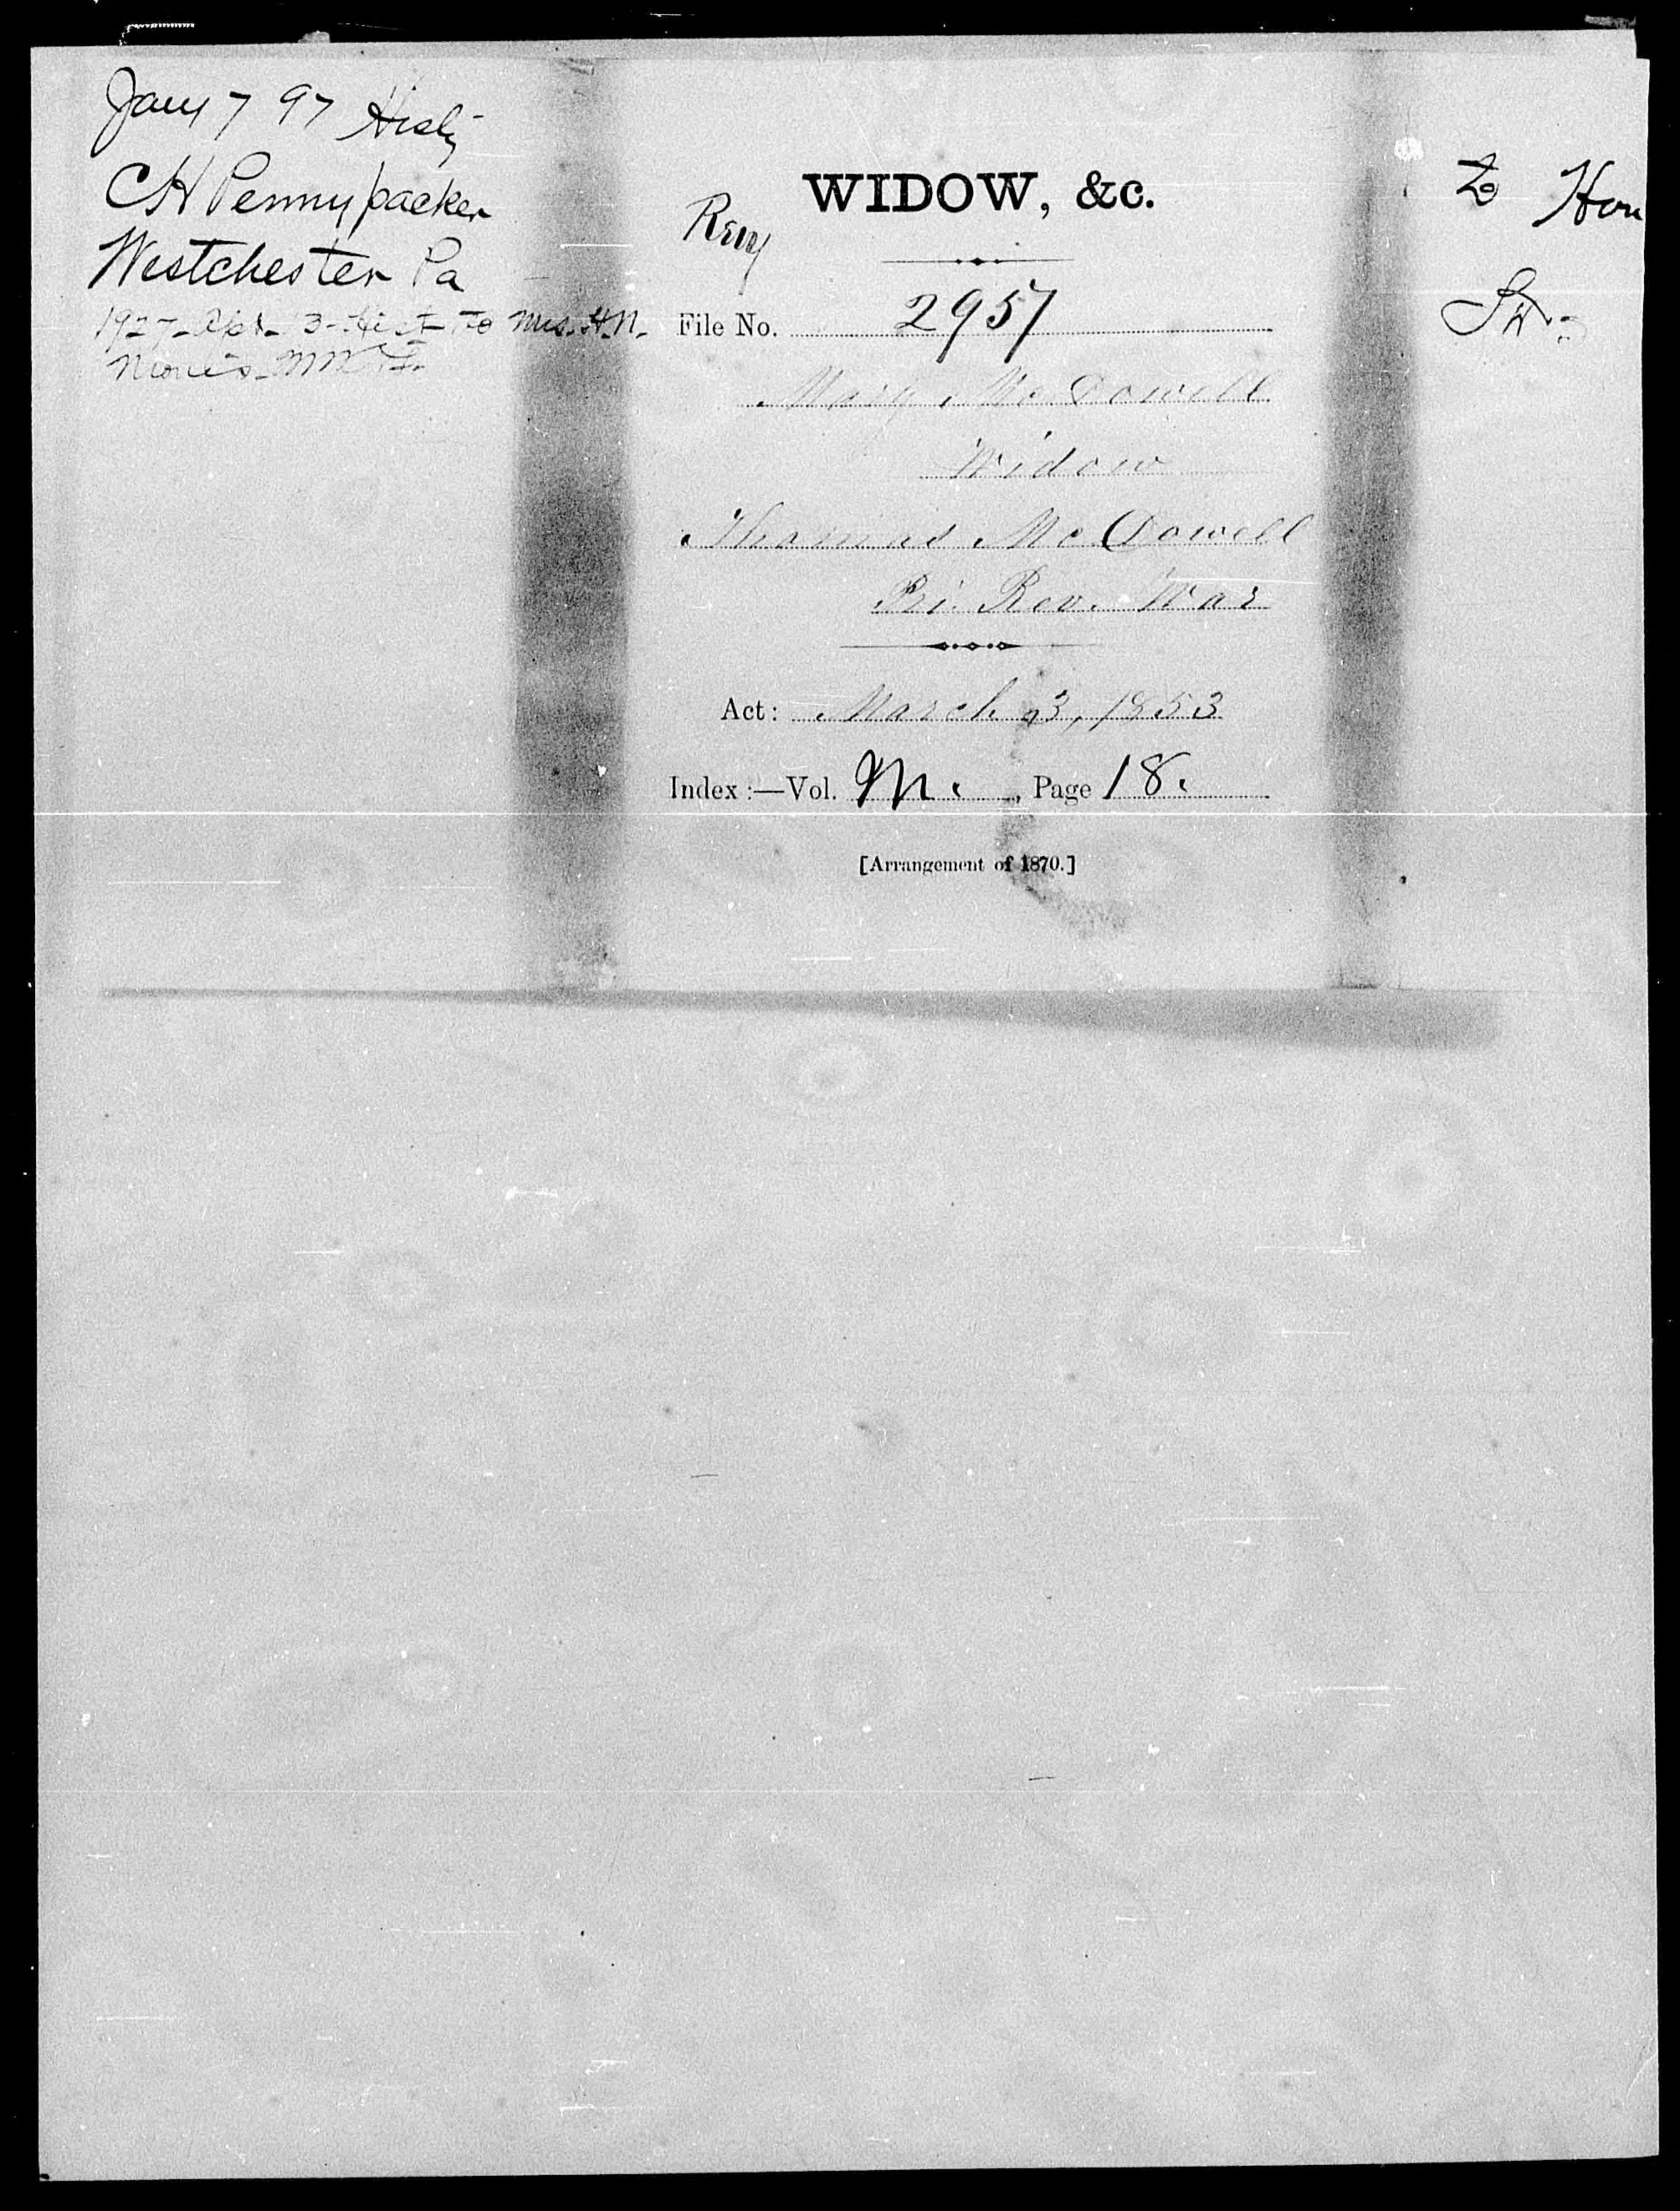[partly legible margin handwriting] Jan. 7 97 Histy
H Pennypacker
Westchester Pa
1927 - Apt. 3 - Hist to Mrs. H.N. ...
[other margin]L. Hon ... [/handwriting]

Widow, &c.
Ruy[?]
File No. 2957
Mary McDowell
Widow
Thomas McDowell
Pri. Rev. War
Act: March 3, 1853
Index:--Vol. [illegible], Page 18.

[start bracket] Arrangement of 1870. [end bracket]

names: Thomas Mc Dowell; Mary Mc Dowell; C H Pennypacker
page: 21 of 63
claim: widow's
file: W 2957, for Thomas Mc Dowell, Maryland